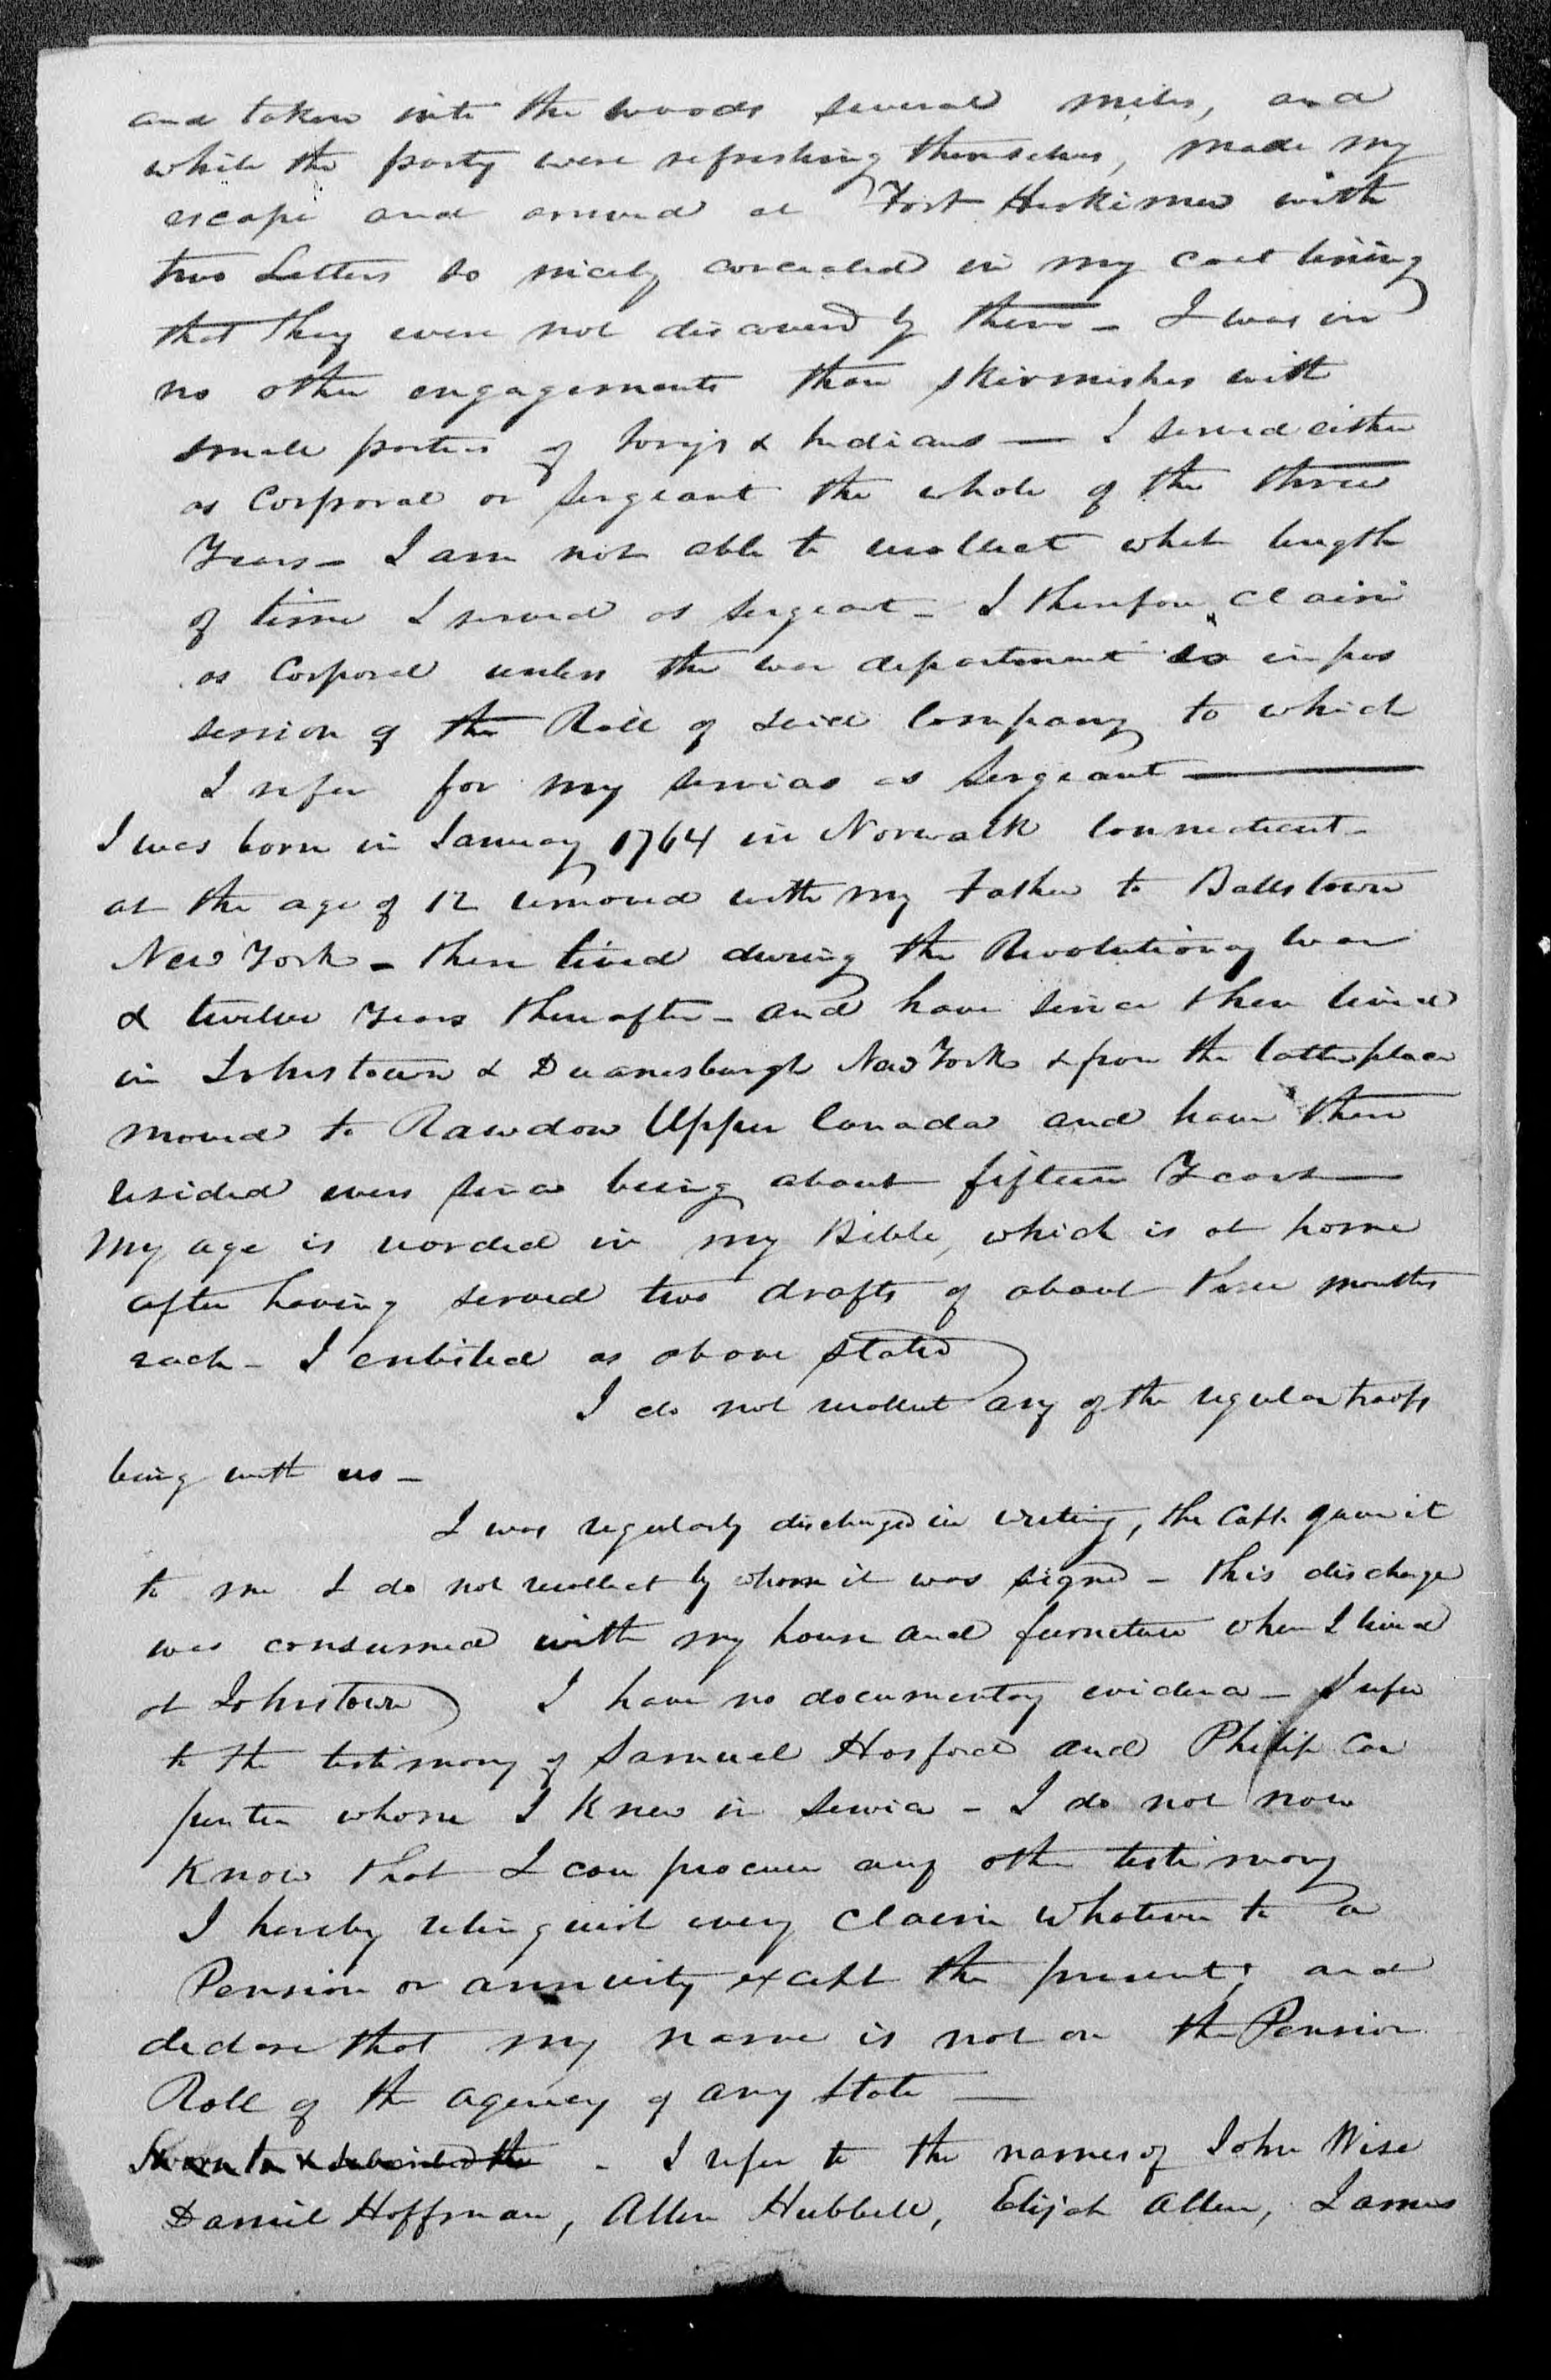and taken into the woods several miles, and while the party were refreshing themselves, made my escape and arrived at Fort Herkimer with two letters so nicely concealed in my coat lining that they were not discovered by them-- I was in no other engagements thou skirmishes with small parties of Torys & Indians. I served either as corporal or Sergeant the whole of the three years. I am not able to recollect what length of time I served as Sergeant. I therefore claim as Corporal under the war department is in possession of the Roll of said Company to which I refer for my service as Sergeant. 
I was born in January 1764 in Norwalk Connecticut - at the age of 12 removed with my Father to Ballstown New York - there lived during the Revolutionary war & twelve years thereafter, and have since then lived in Johnstown & Duanesburgh New York & from the latter place moved to Rawdon Upper Canada and have there resided ever since being about fifteen years. My age is recorded in my Bible, which is at home after having served two drafts of about three months each - I enlisted as above stated. 
I do not recollect any of the regular troops being with us- 
I was regularly discharged in writing, the Capt. gave it to me, I do not recollect by whom it was signed-- this discharge was consumed with my house and furniture when I lived at Johnstown -- I have no documentary evidence - I refer to the testimony of Samuel Hosford and Philip Carpenter whom I knew in service. I do not now know that I can procure any other testimony 
I hereby relinquish every claim whatever to a Pension or annuity except the present and declare that my name is not on the Pension Roll of the agency of any State.
- I refer to the names of John Wise, Daniel Hoffman, Allen Hubbell, Elijah Allen, James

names: Elijah Allen, Philip Carpenter, Allen Hubbell, Garrit, Samuel Hosford, John Wise, Daniel Hoffman, James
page: 7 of 47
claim: widow's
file: W. 10,602, Barce Chard, New York.